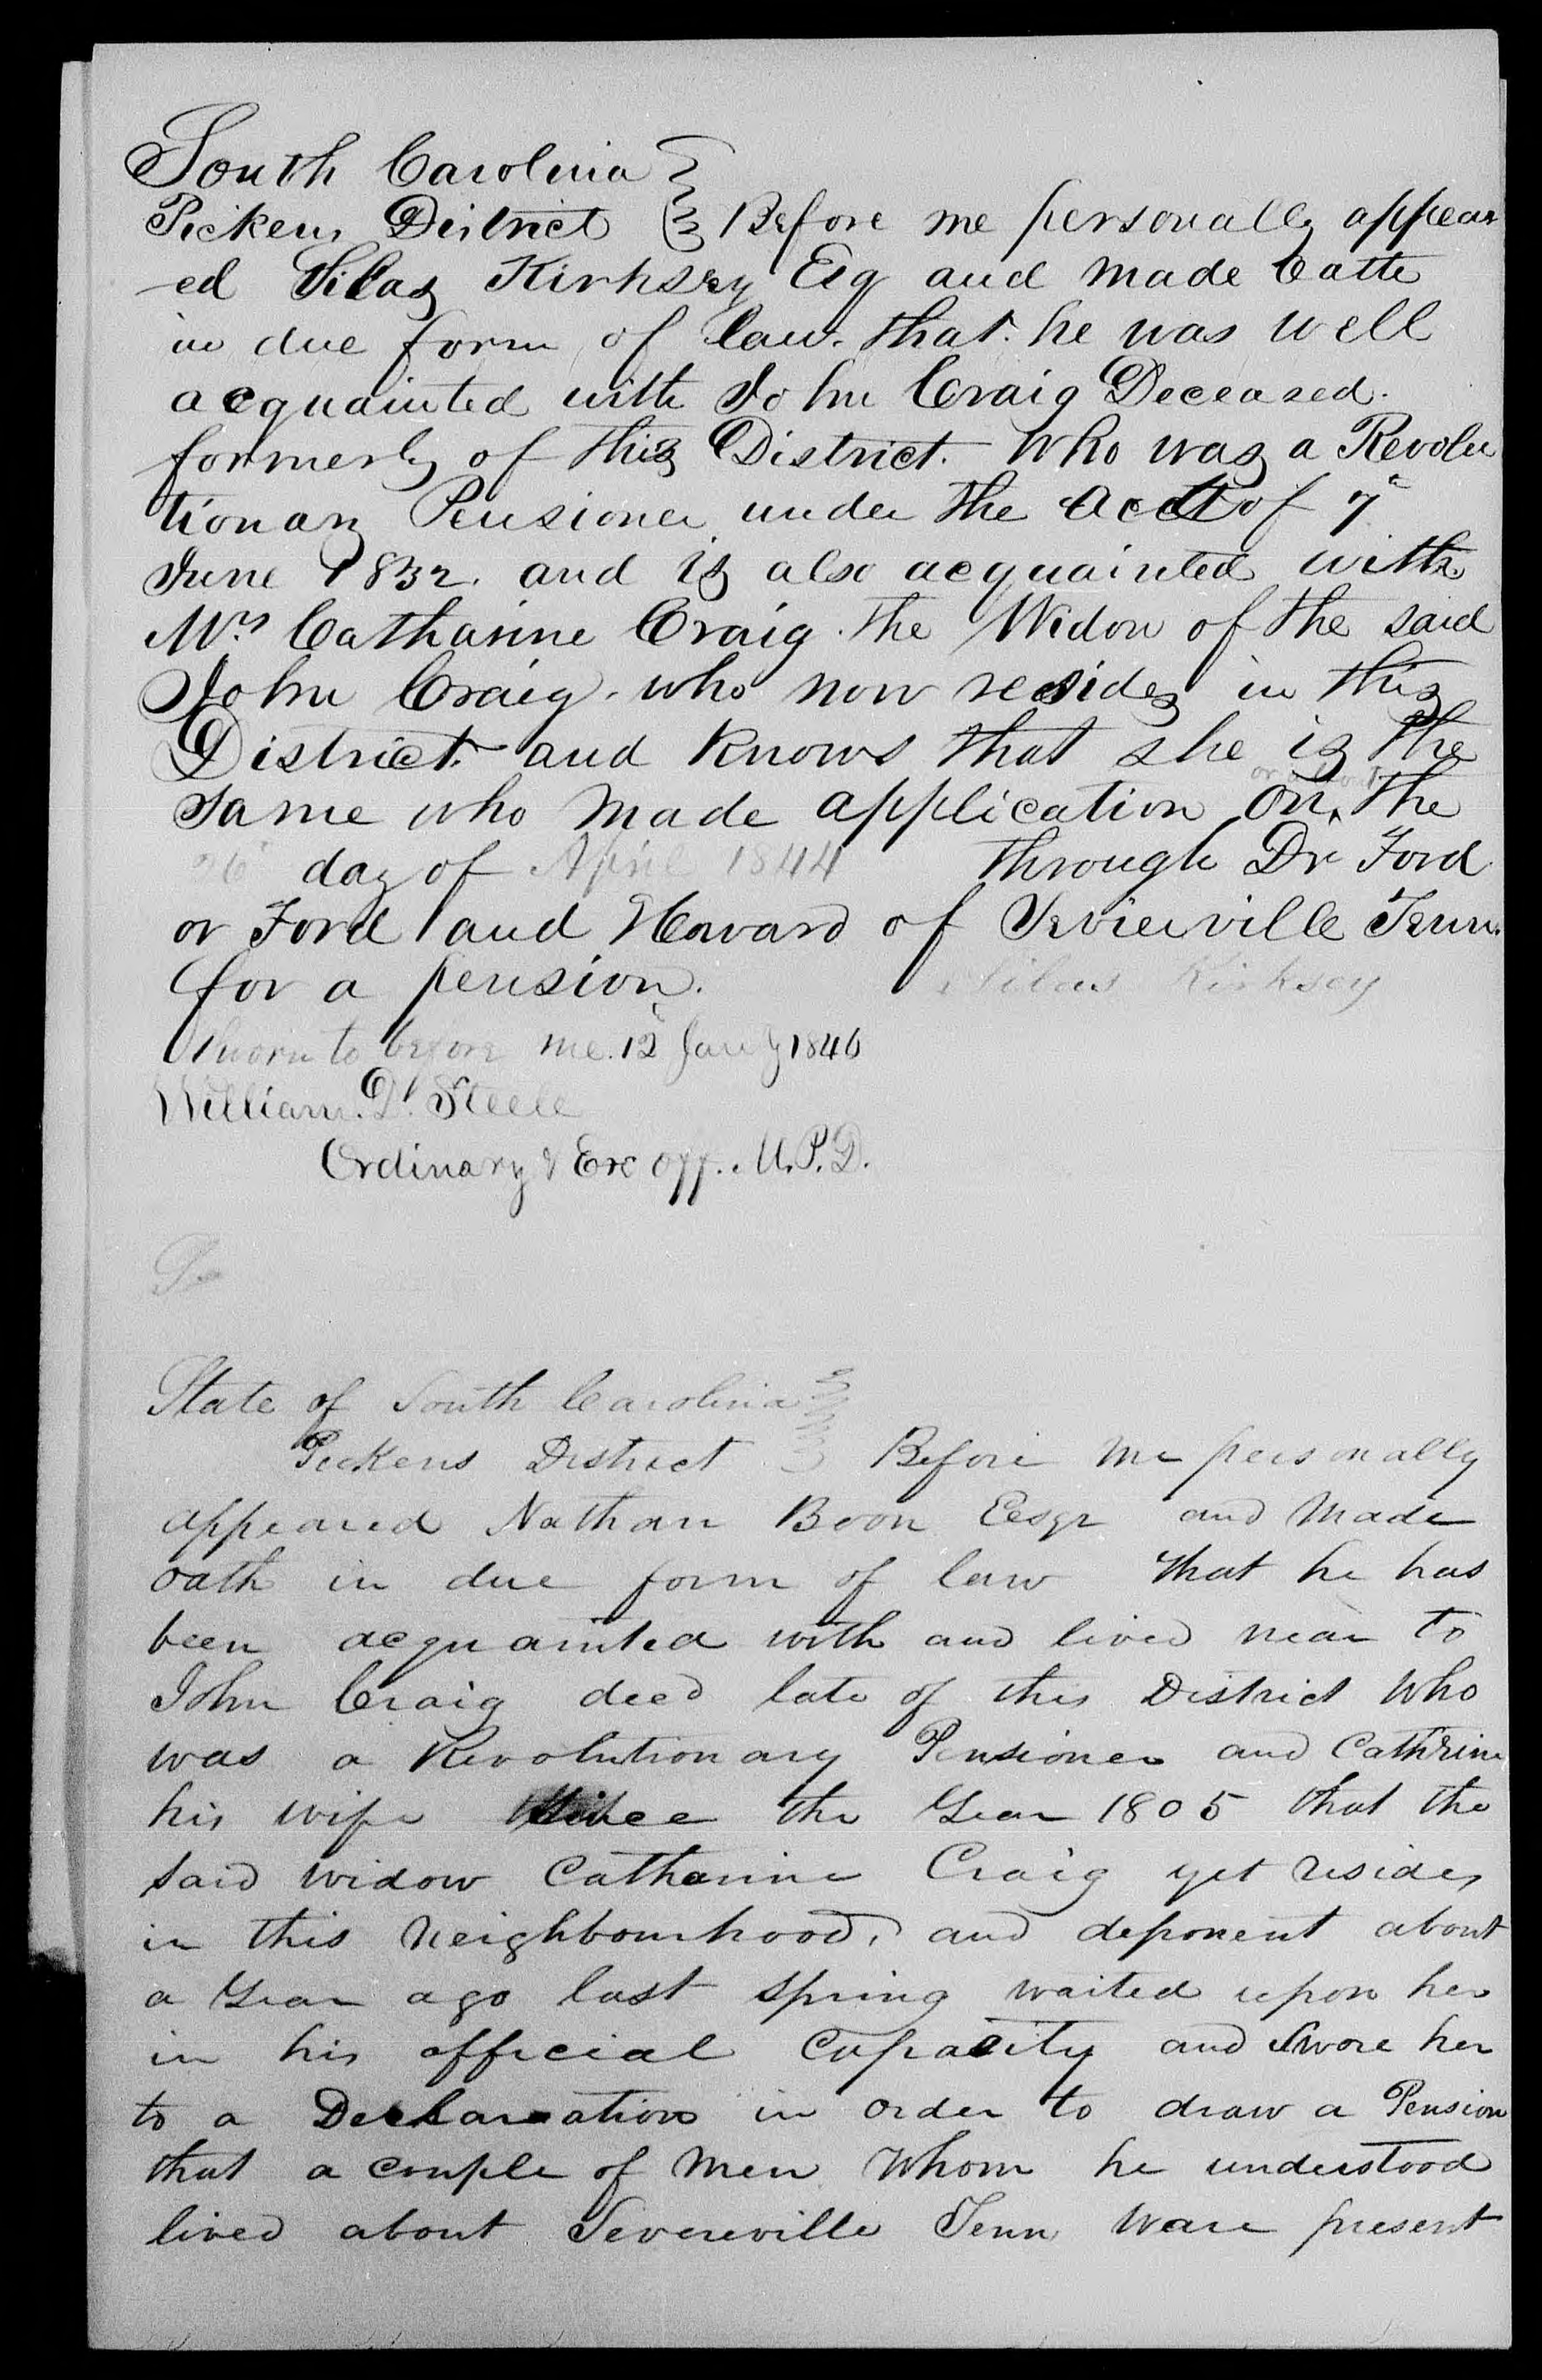South Carolina
Pickens District ⎬ Before me personally appeared
Silas Kirksey Esq and made oath
in due form of law, that he was well
acquainted with John Craig Deceased
formerly of this District who was a Revolutionary Pensioner under the act of 7th June 1832, and is also acquainted with
Mrs. Catharine Craig the Widow of the said
John Craig, who now resides in this
District and knows that she is the same
who made application on the 26th
day of April 1844 through Dr Ford
or Ford and Howard of Sevierville Tenn
for a pension.
Silas Kirksey

Sworn to before me. 12 Jany 1846
Silas Kirksey
William D. Steele
Ordinary & Ex off. M. P. D.

State of South Carolina
Pickens District ⎬ Before me personally
appeared Nathan Boon Esqr and made
Oath in due form of law that he has
acquainted with and lived near to
John Craig deed late of this District who
was a Revolutionary Pensioner
and Cathrine [sic] his wife since the year 1805 that the said widow Catharine Craig yet resides in this neighbourhood, and deponent about a year ago last spring waited upon her in his official capacity and swore her to a Declaration in order to draw a Pension that a couple of men whom he understood lived about Severeville [sic] Tenn. were present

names: Howard, Ford, Silas Kirksey, John Craig, William D Steele, John Craig, Ford, Nathan Boon, John Craig, Catharine Craig, Catharine Craig, Cathrine, Silas Kirksey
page: 53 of 55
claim: widow's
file: W. 22864, John Craig, S.C. Born In Iceland